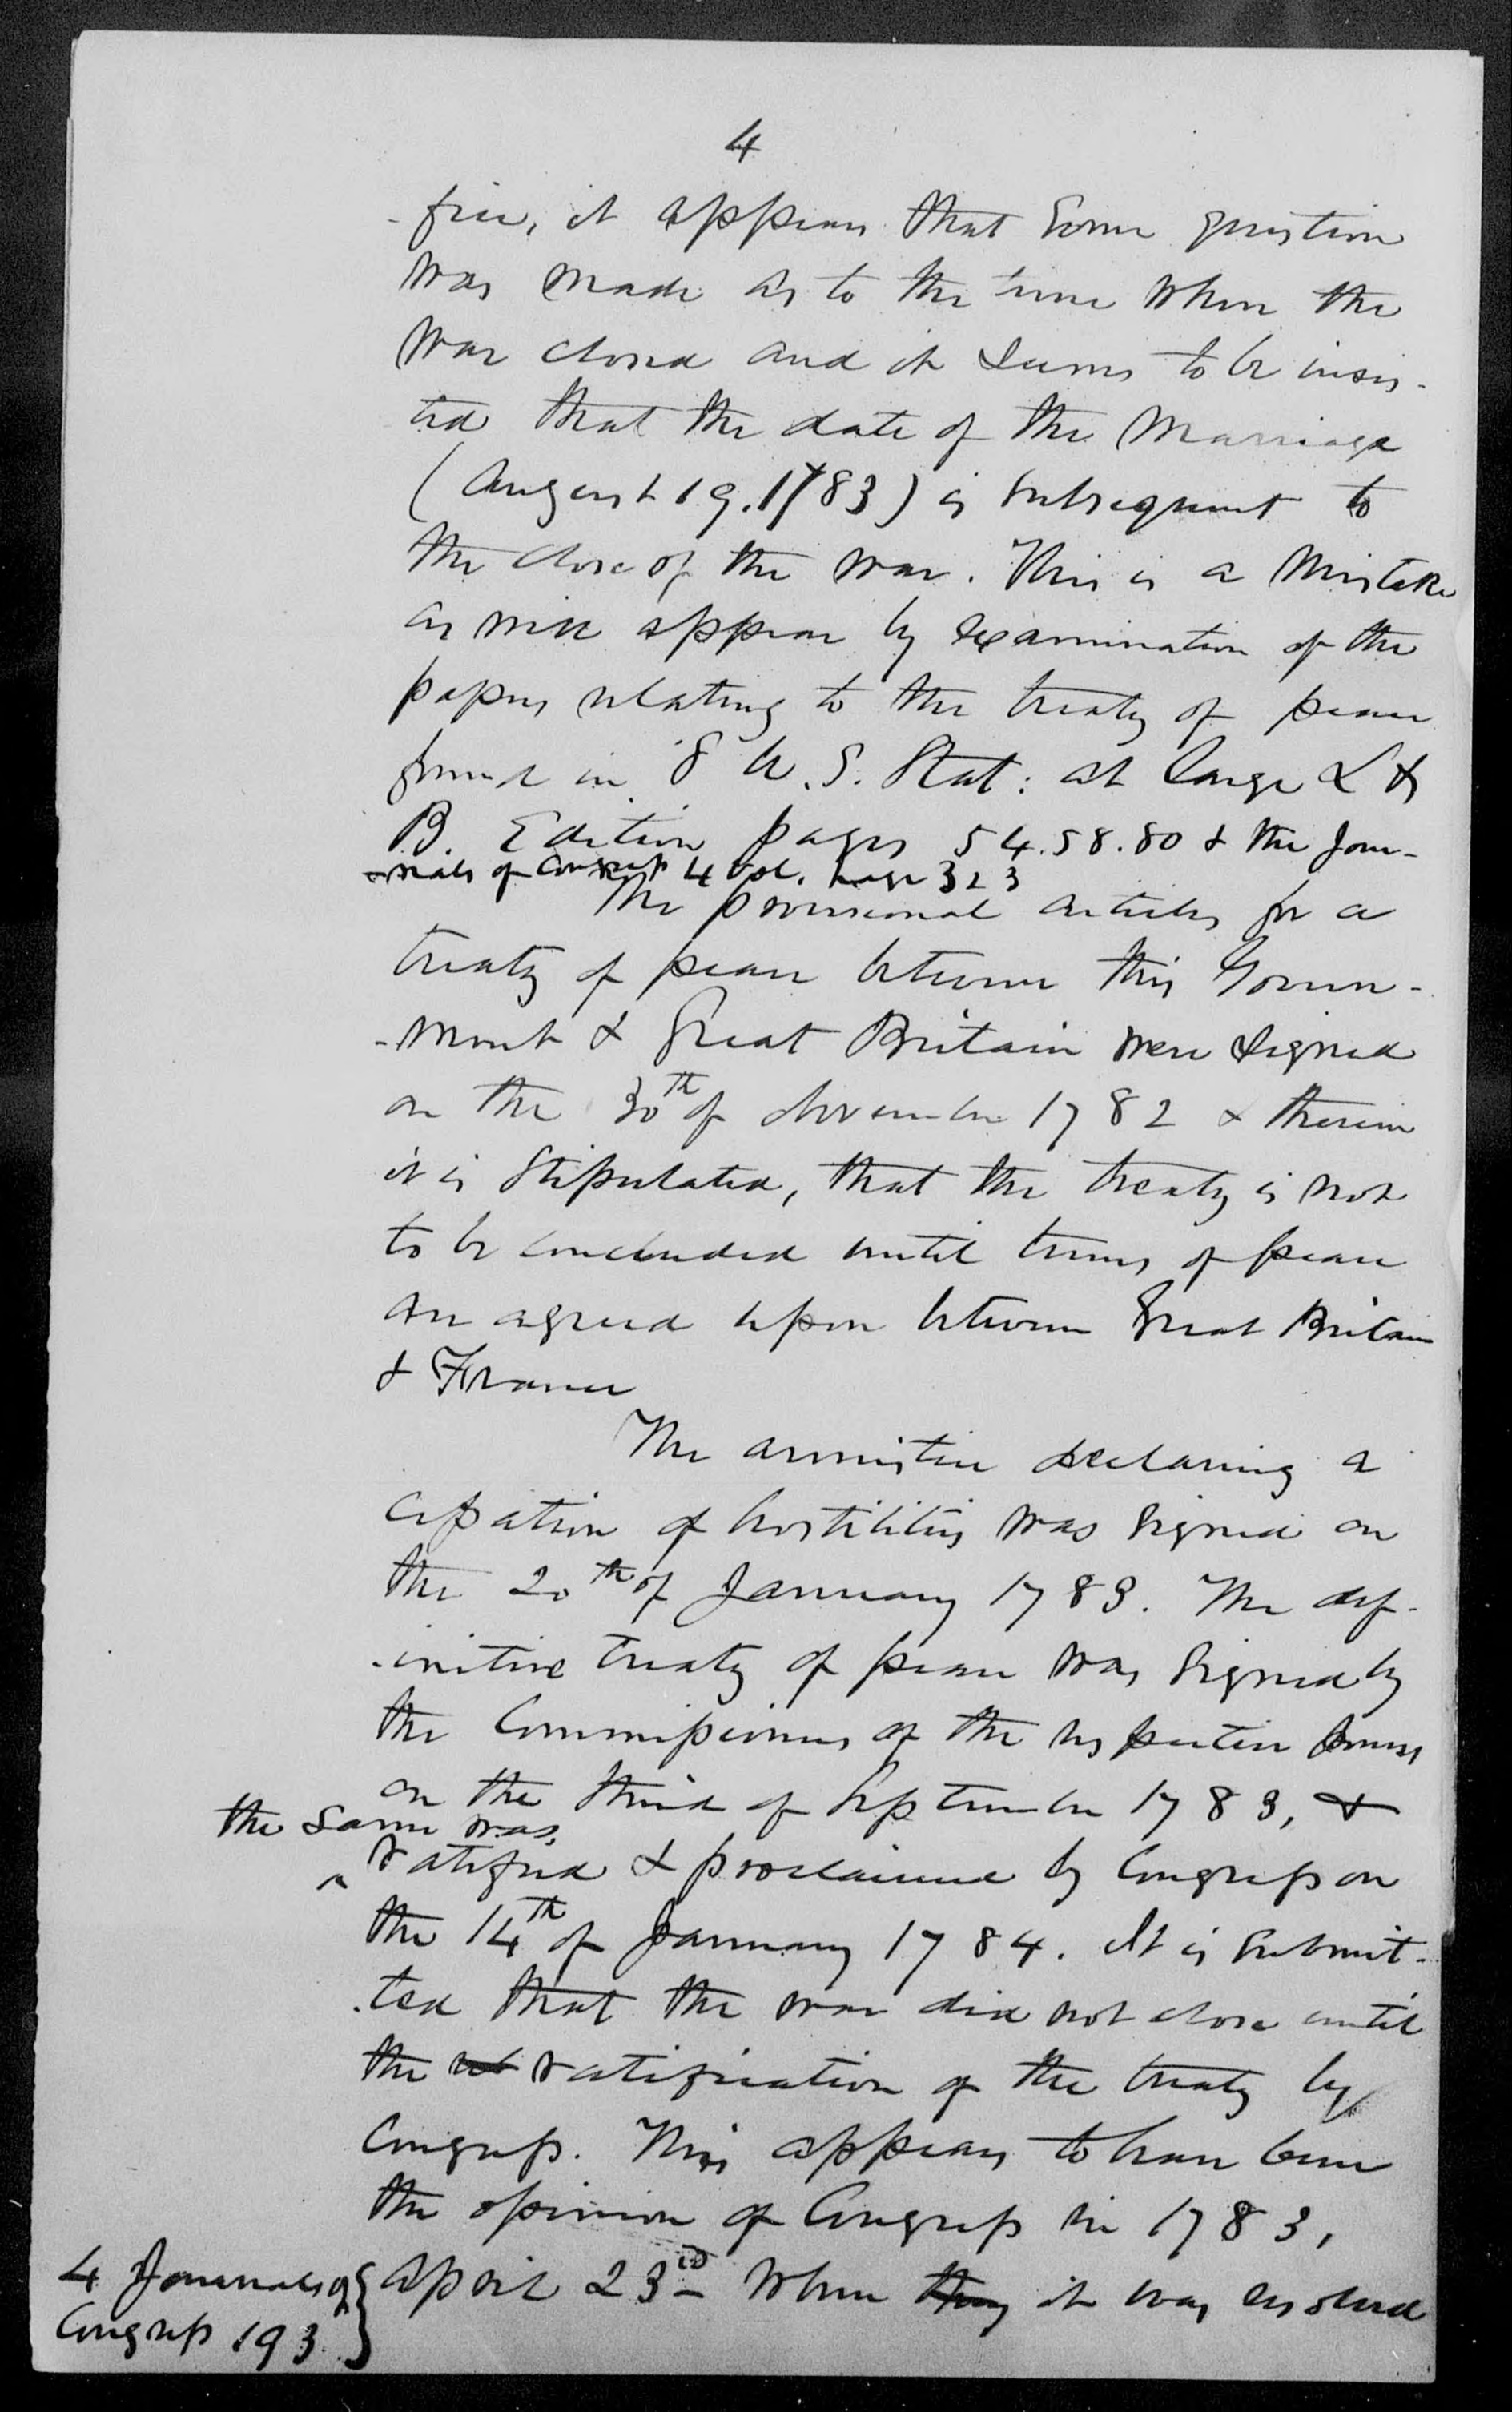4 

-fice, it appears that some question was made as to the time when the war closed and it seems to be insisted that the date of the Marriage (August 19. 1783) is subsequent to the the close of the war.  This is a mistake as will appear by examination of the papers relating to the treaty of Paris found in G W. S. Stat: at large  L +[and] B. Edition pages 54. 58. 80 +[and] the Journals of Congress 4 vol.  page 323
The provisional articles for a treaty of Paris between this Government +[and] Great Britain were signed on the 30th of November 1782 +[and] therein it is stipulated, that the treaty is not to be concluded until terms of peace are agreed upon between Great Britain +[and] France
The armistice declaring a cessation of hostilities was signed on the 20th of January 1783. The definitive treaty of Paris was signed by the Commissioners of the respective Armies on the third of September 1783, +[and] the same was ratified +[and] proclaimed by Congress on the 14th of January 1784.  It is submitted that the war did not close until the [crossed out word] ratification of the treaty by Congress.  This appears to have been the opinion of Congress in 1783, (4 Journals of Congress 193) April 23rd when [crossed out word 'they'] it was asked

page: 252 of 267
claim: widow's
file: W. 4,149, William Campbell, Va.